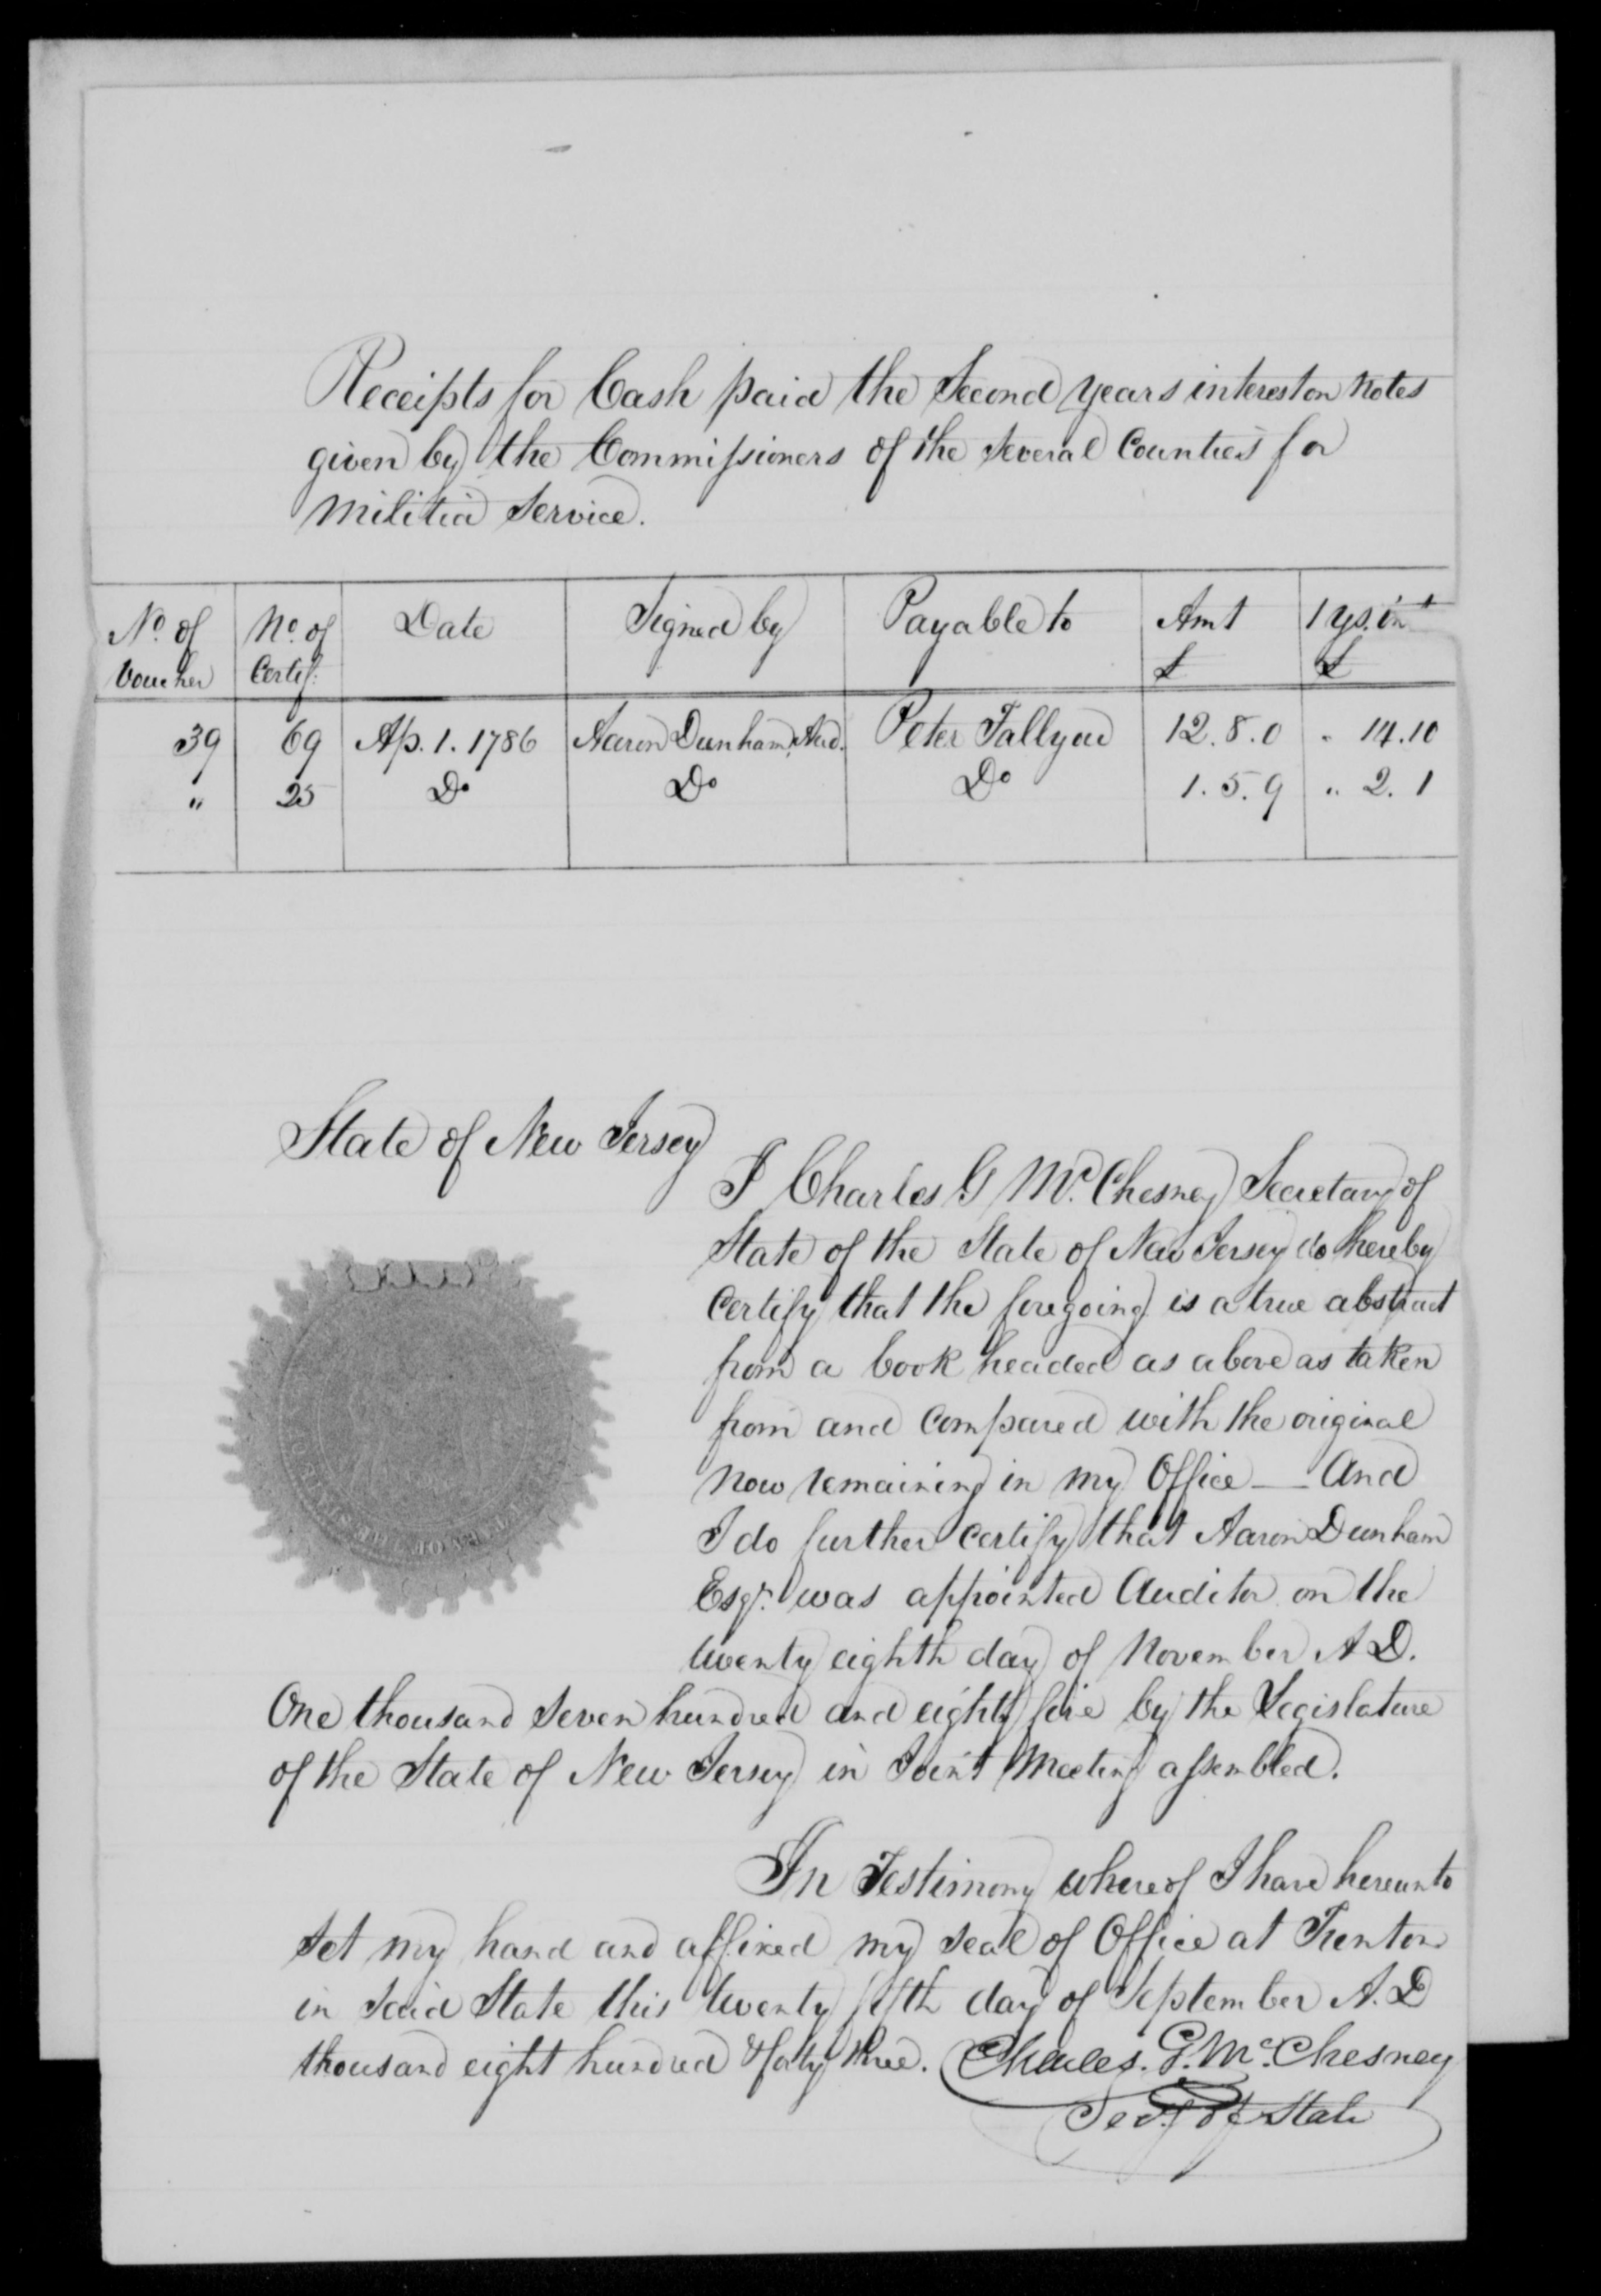Receipts for Cash paid the Second years interest on notes
given by the Commissioners of the several Counties for
Militia Service

[chart]
No of Voucher  39
No of
Certif
29
Date
Ap. 1. 1786
Do
Signed by
Aaron Dunham and
Do
Payable to
Peter Gallager
Do
Amt
12.8.0
1.5.9
1 yr int
14.10
" 2. 1

State of New Jersey
I Charles G. McChesney Secretary of
State of the State of New Jersey do hereby
certify that the foregoing is a true abstract
from a book headed as above as taken
from and compared with the original
now remaining in my office-- and
I do further certify that Aaron Dunham
Esqr was appointed Auditor on the
twenty eighth day of November AD
One thousand Seven hundred and eighty five by the Legislature
of the State of New Jersey in Joint meeting assembled.

In Testimony whereof I have hereunto
set my hand and affixed my seal of Office at Trenton
in said State this twenty fifth day of September A.D.
thousand eight hundred & forty three, Charles G. McChesney
of State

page: 56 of 101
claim: widow's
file: W. 25481, for Peter V Tilyou, New Jersey